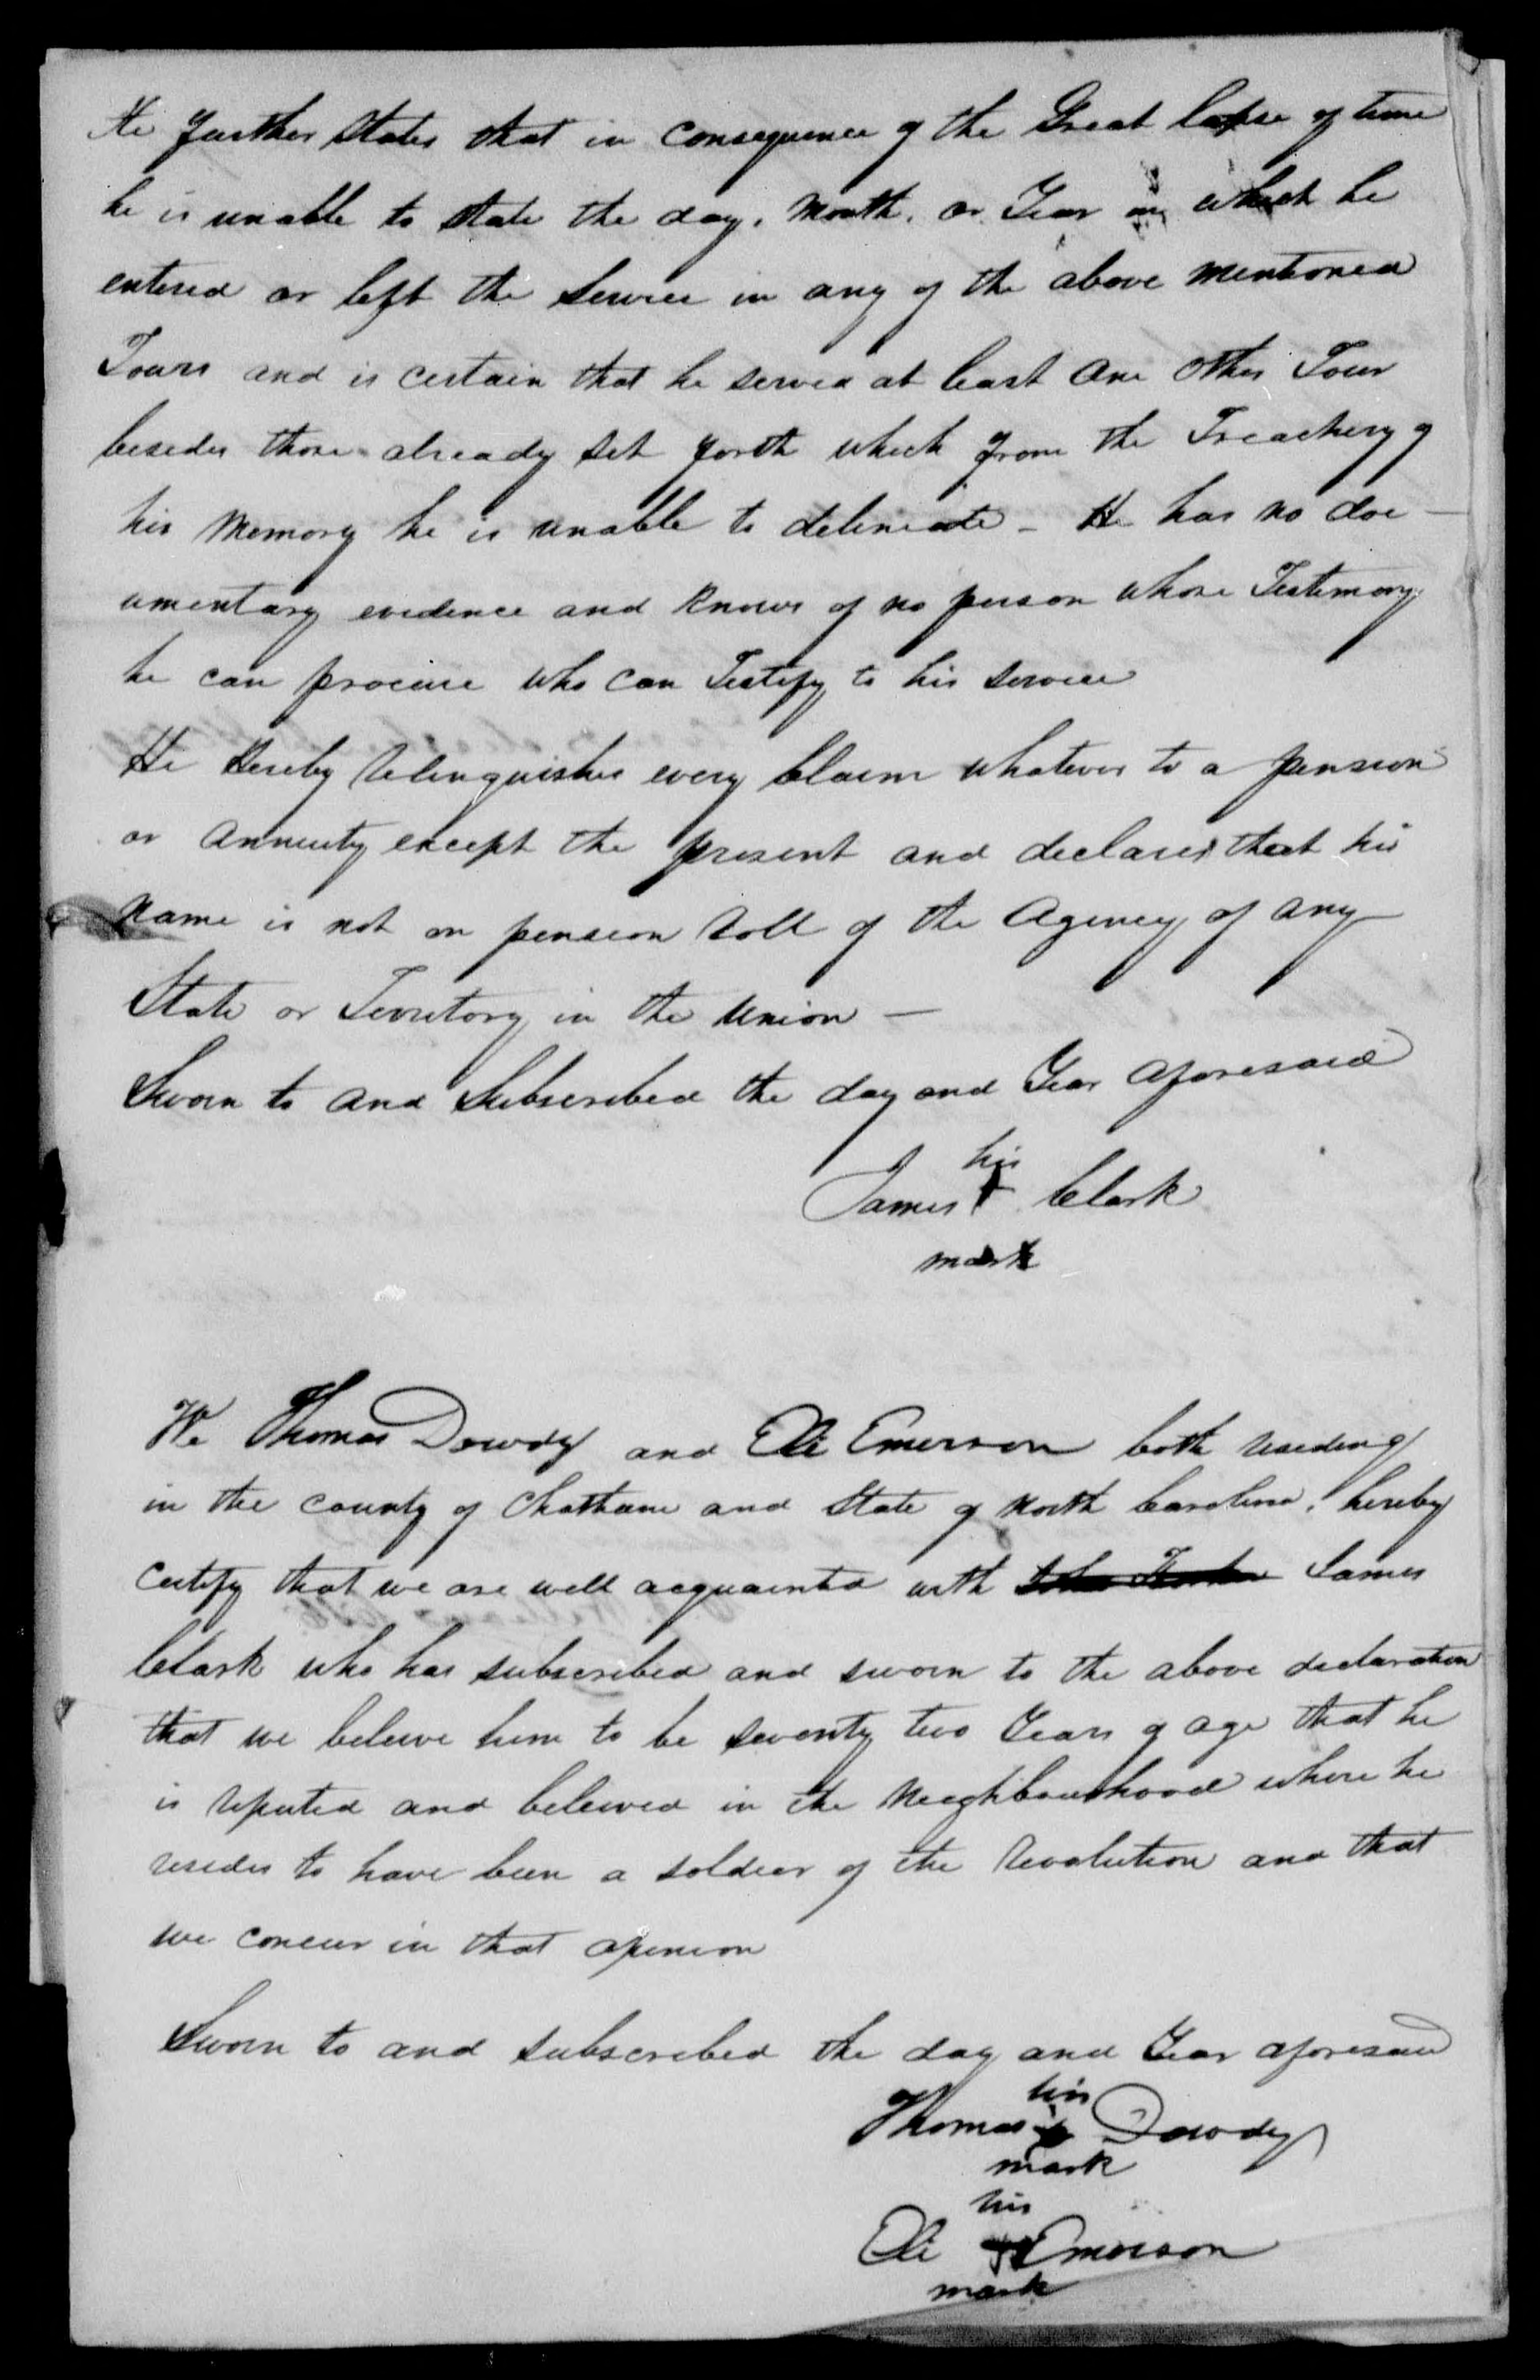He further States that in consequence of the Great lapse of time
he is unable to state the day, month or Years in which he
entered or left the Services in any of the above mentioned
Tours and is certain that he served at least one other Tour
besides the one already set forth which from the decreasing of
his memory he is unable to delineate
He has no documentary
evidence and knows of no person whose Testimony
he can procure who can Testify to his service
He hereby relinquishes every Claim whatever to a pension
or annuity except the present and declared that his
name is not on pensions Roll of the Agency of any
State of Territory in the union - 

Sworn to and Subscribed the day and Year aforesaid
James X Clark
his mark

We Thomas Dowdy and Eli Emerson both residing
in the county of Chatham and State of North Carolina, hereby
certify that we are well acquainted with [cross-out] James
Clark who has subscribed and sworn to the above declaration
that we believe him to be seventy two Years of age that he
is reputed and believed in the neighborhood where he
resides to have been a soldier of the Revolution and that
we concur in that opinion

Sworn to and Subscribed the day and Year aforesaid

Thomas X Dowdy
his mark

Oli X Emerson
his mark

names: James Clark, Thomas Dowdy, Eli Emerson, Thomas Dowdy, Eli Emerson, James Clark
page: 7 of 16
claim: survivor's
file: S. 8207, James Clark, N.C.